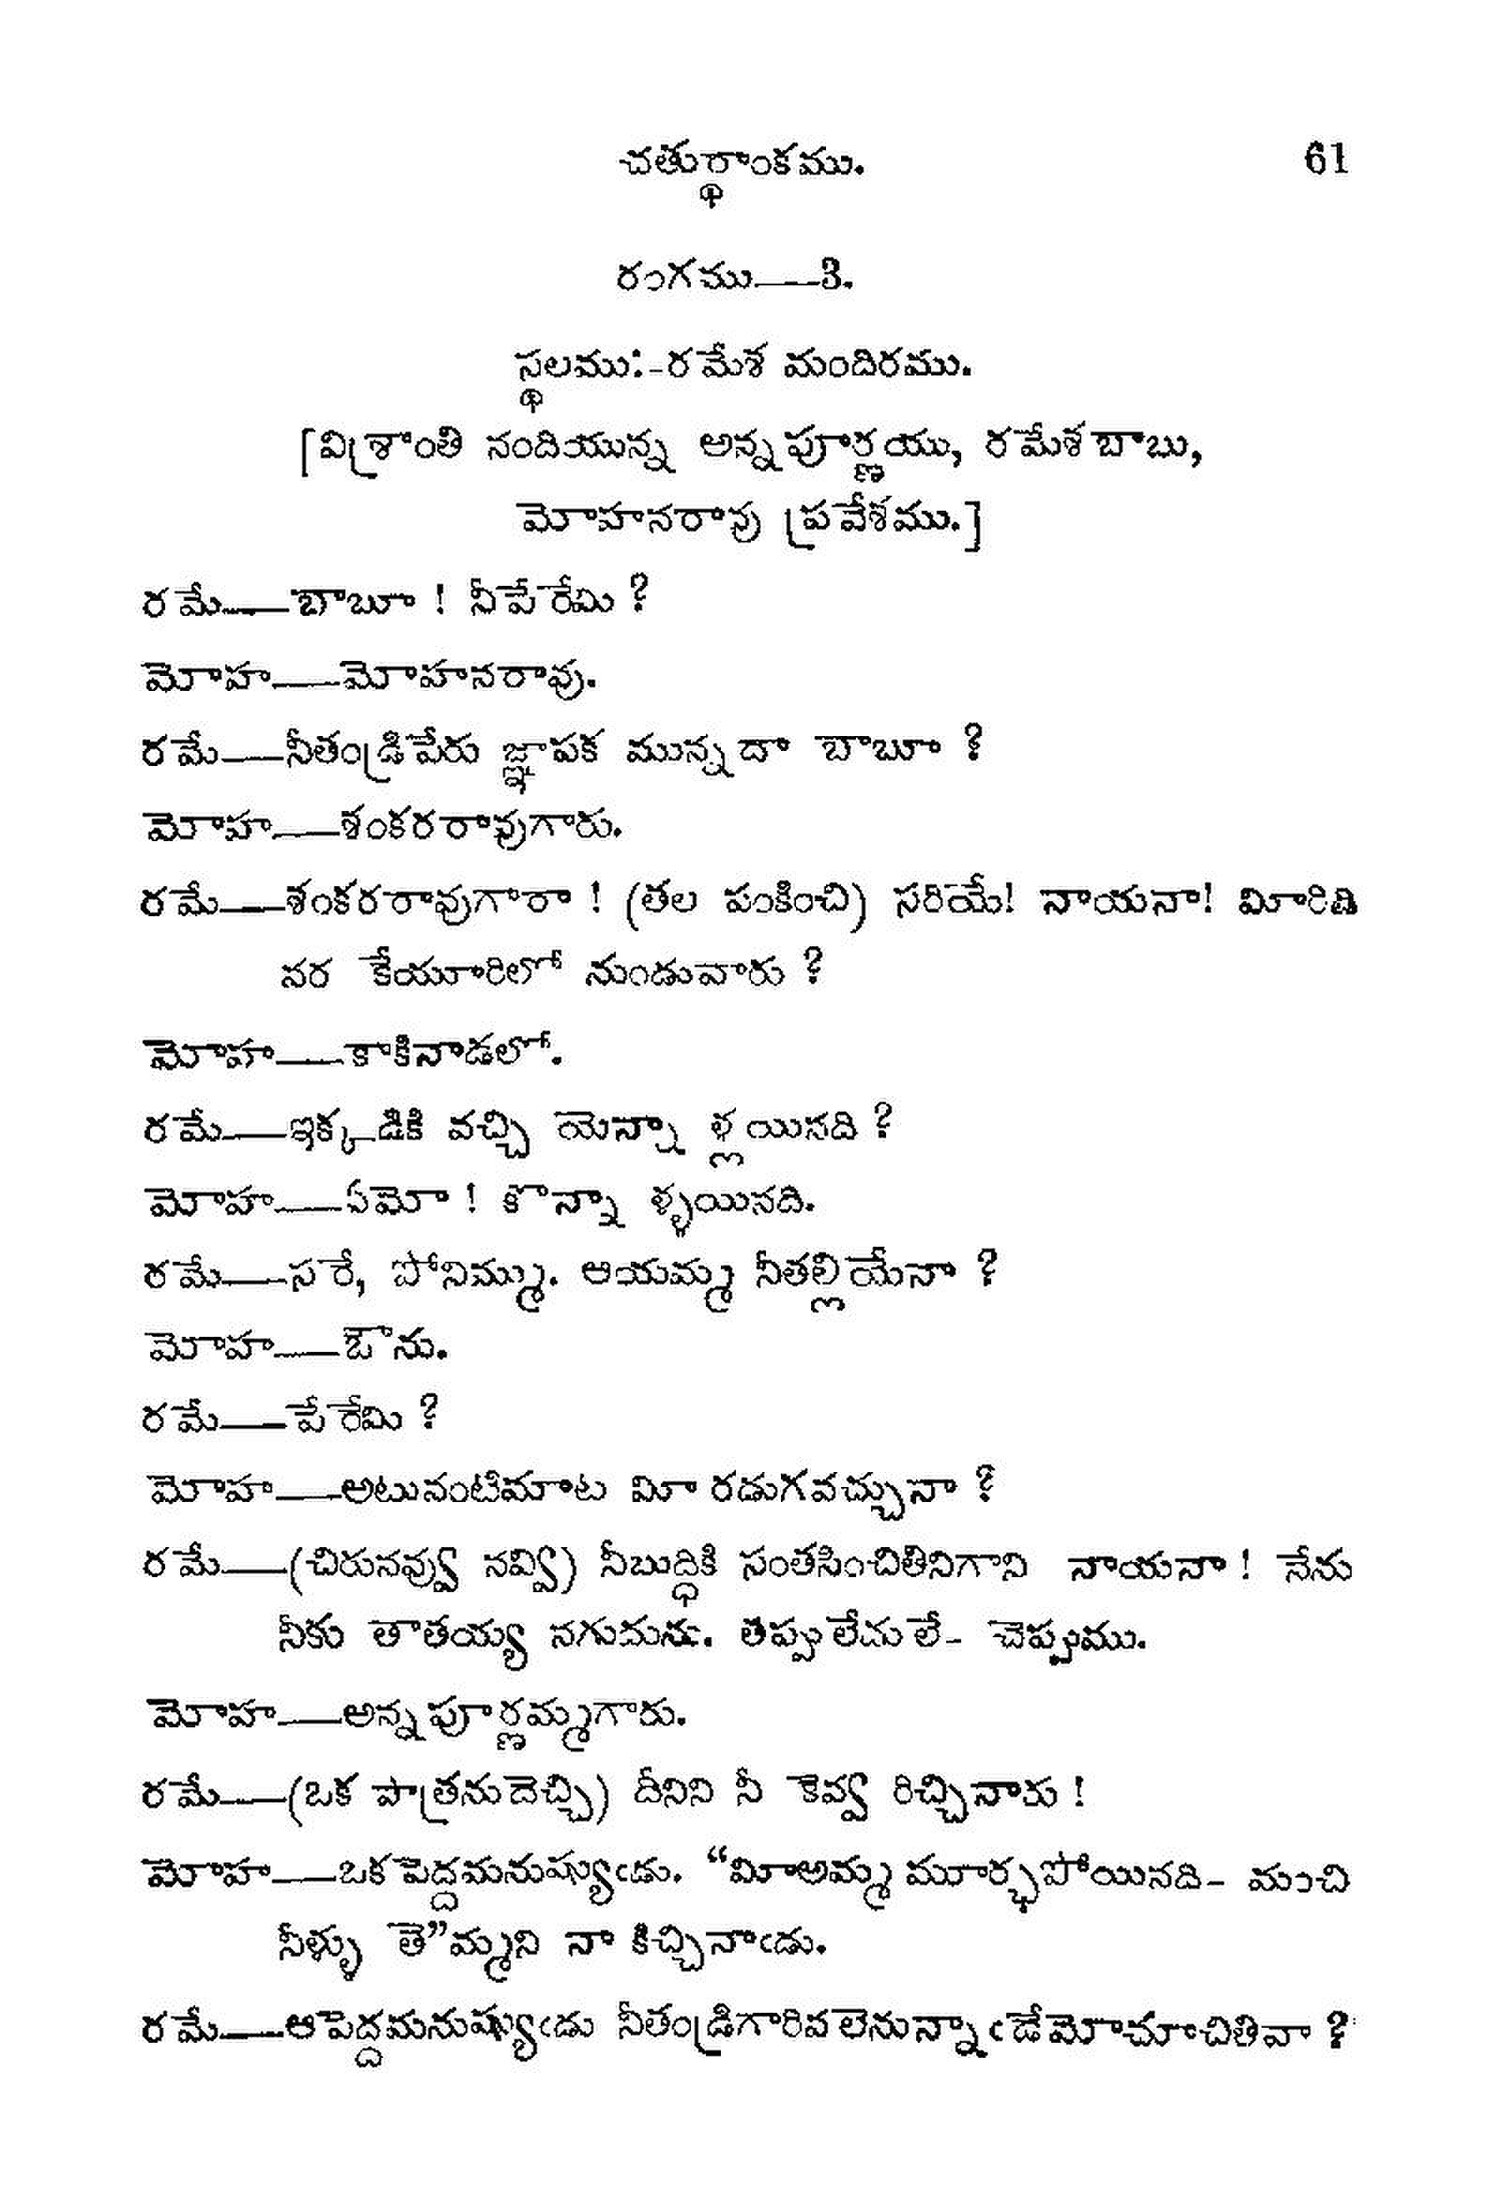రమే - బాబూ! నీపేరేమి?

మోహ - మోహనరావు,

రమే - నీతండ్రిపేరు జ్ఞాపక మున్నదా బాబూ ?

మోహ - శంకరరావుగారు.

రమే - శంకరరావుగారా ! (తల పంకించి) సరియే! నాయనా! మీరిదివర కేయూరిలో నుండువారు ?

మోహ - కాకినాడలో.

రమే - ఇక్కడికి వచ్చి యెన్నాళ్లయినది?

మోహ - ఏమో ! కొన్నా ళ్ళయినది.

రమే - సరే, పోనిమ్ము. ఆయమ్మ నీతల్లియేనా ?

మోహ - ఔను.

రమే - పేరేమి?

మోహ - అటువంటిమాట మీ రడుగవచ్చునా

రమే — (చిరునవ్వు నవ్వి) నీబుద్ధికి సంతసించితినిగాని నాయనా! నేను నీకు తాతయ్య నగుదును. తప్పులేదులే. చెప్పుము.

మోహ - అన్నపూర్ణమ్మగారు.

రమే -(ఒక పాత్రను దెచ్చి) దీనిని నీ కెవ్వ రిచ్చినారు !

మోహ - ఒకపెద్దమనుష్యుఁడు. “మీఅమ్మ మూర్ఛపోయినది - మంచి నీళ్ళు తె"మ్మని నా కిచ్చినాఁడు.

రమే - ఆపెద్దమనుష్యుఁడు నీతండ్రిగారివలెనున్నాఁడేమో చూచితివా ?